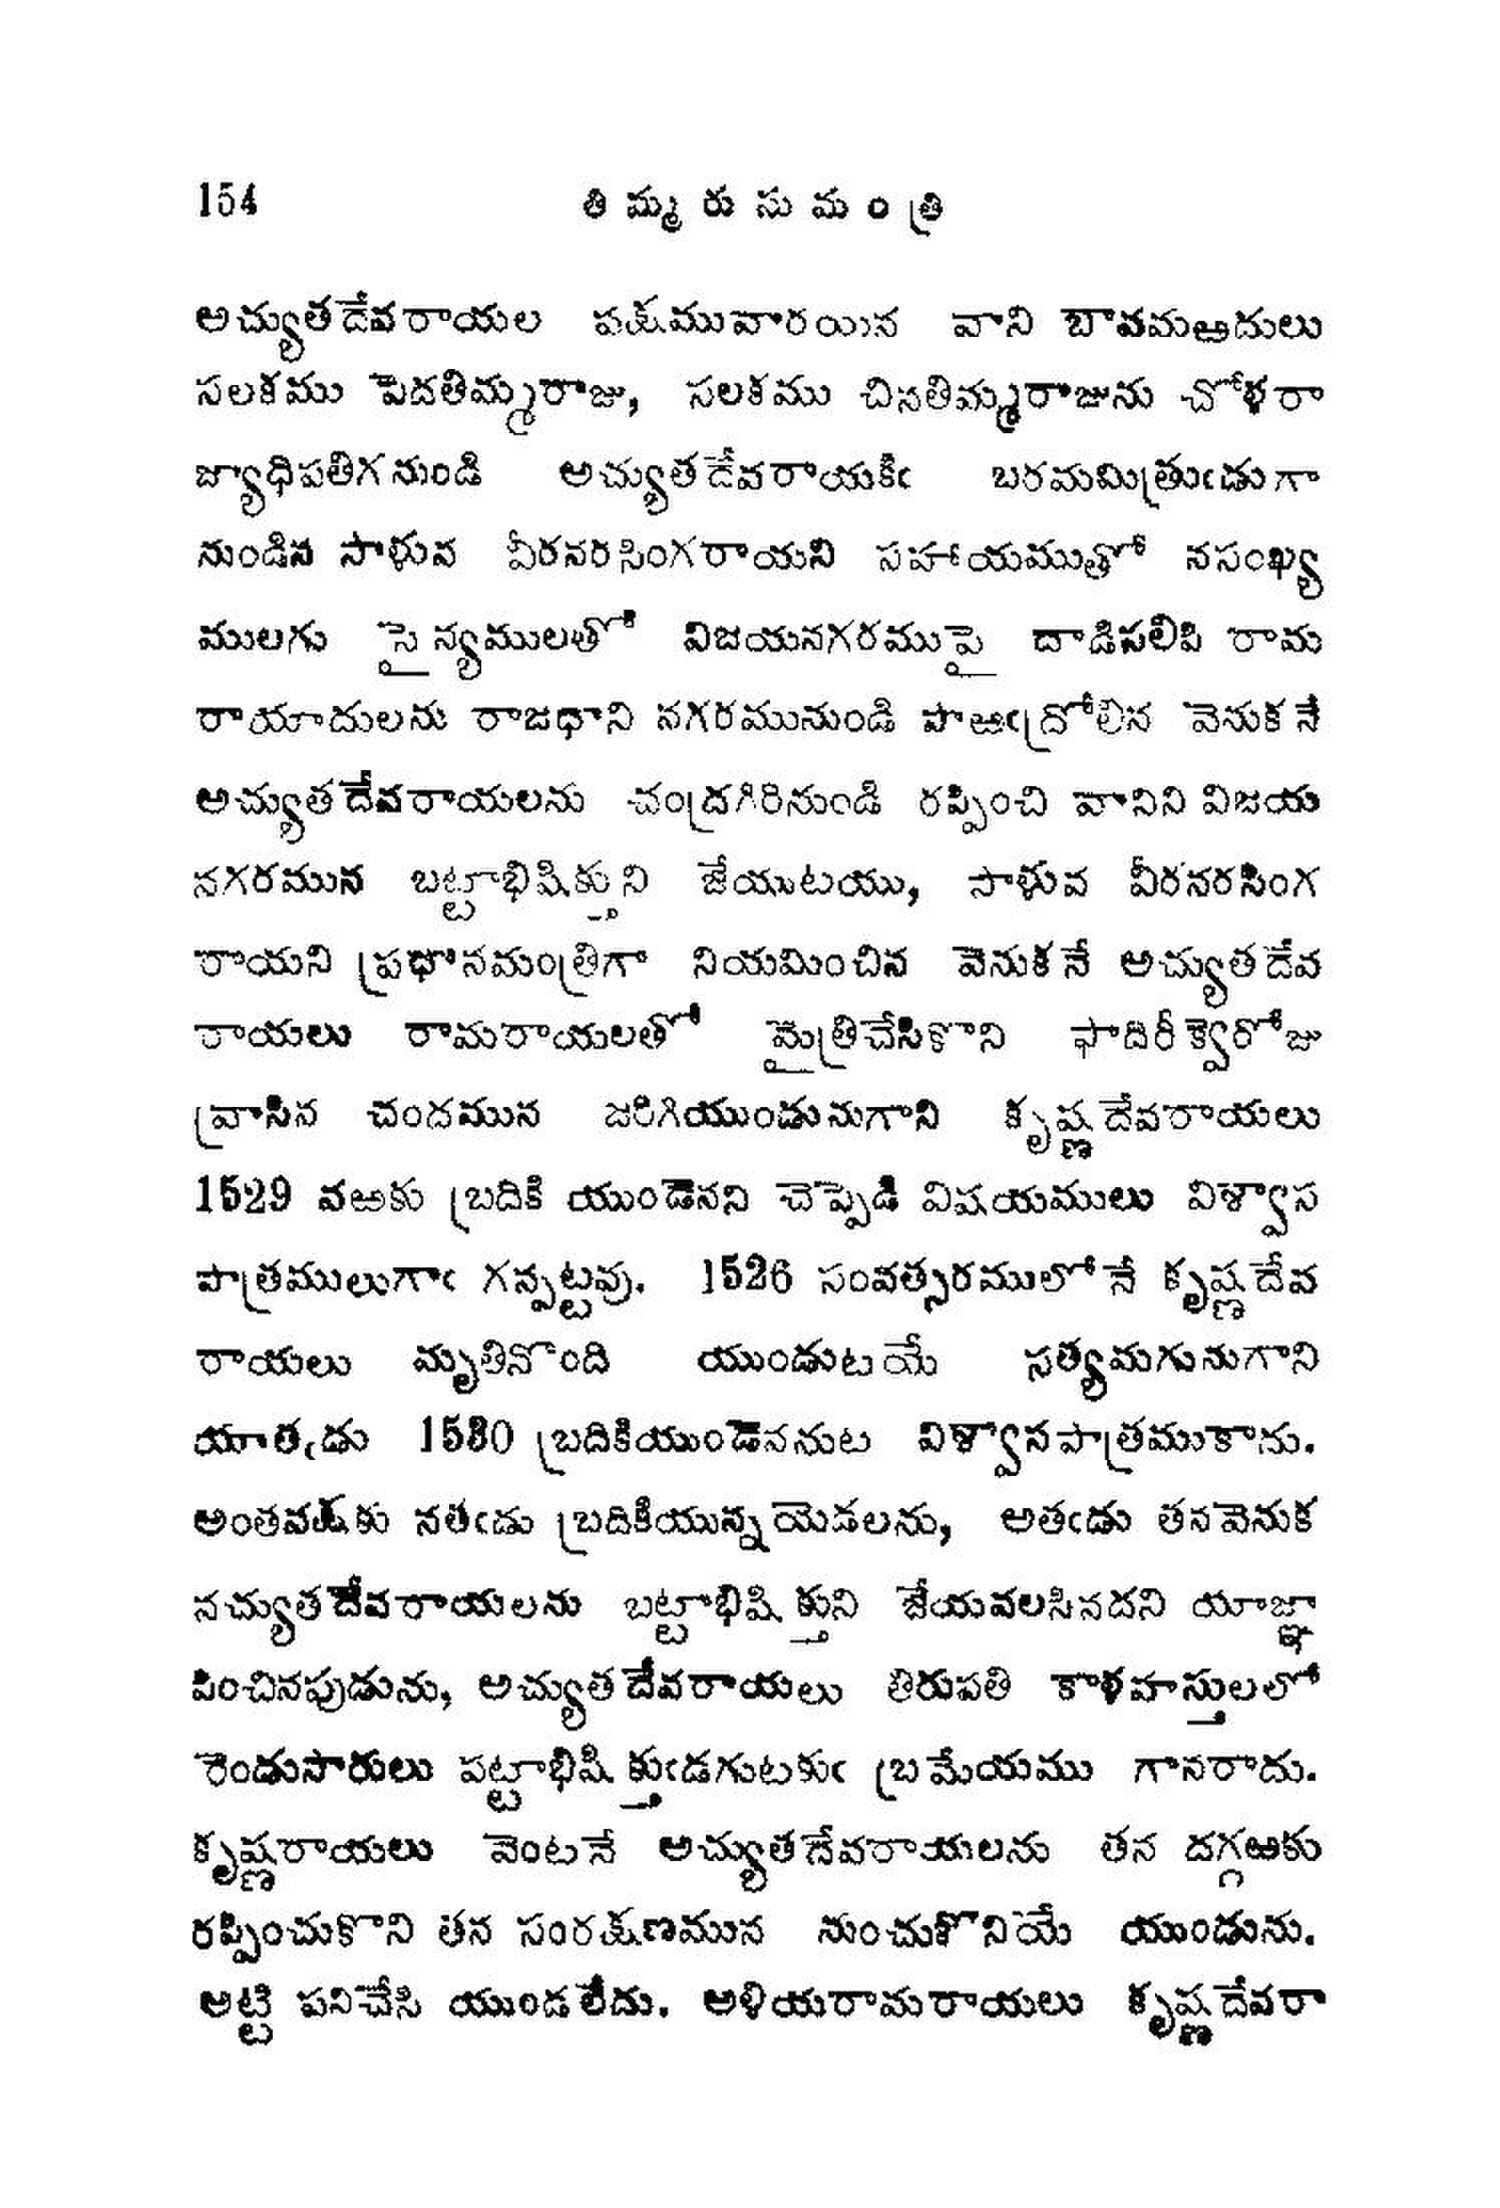అచ్యుతదేవరాయల పక్షమువారయిన వాని బావమఱదులు సలకము పెదతిమ్మరాజు, సలకము చిసతిమ్మరాజును చోళరాజ్యాధిపతిగనుండి అచ్యుతదేవరాయకిఁ బరమమిత్రుఁడుగా నుండిన సాళువ వీరనరసింగరాయని సహాయముతో నసంఖ్యములగు సైన్యములతో విజయనగరముపై దాడిసలిపి రామరాయాదులను రాజధాని నగరమునుండి పాఱఁద్రోలిన వెనుకనే అచ్యుతదేవరాయలను చంద్రగిరినుండి రప్పించి వానిని విజయనగరమున బట్టాభిషిక్తుని జేయుటయు, సాళువ వీరనరసింగరాయని ప్రధానమంత్రిగా నియమించిన వెనుకనే అచ్యుతదేవరాయలు రామరాయలతో మైత్రిచేసికొని పాదిరీక్వెరోజు వ్రాసిన చందమున జరిగియుండునుగాని కృష్ణదేవరాయలు 1529 వఱకు బ్రదికి యుండెనని చెప్పెడి విషయములు విశ్వాస పాత్రములుగాఁ గన్పట్టవు. 1526 సంవత్సరములోనే కృష్ణదేవరాయలు మృతినొంది యుండుటయే సత్యమగునుగాని యాతఁడు 1530 బ్రదికియుండెననుట విశ్వాసపాత్రముకాదు. అంతవరకు నతఁడు బ్రదికియున్నయెడలను, అతఁడు తనవెనుక నచ్యుతదేవరాయలను బట్టాభిషిక్తుని జేయవలసినదని యాజ్ఞాపించినపుడును, అచ్యుతదేవరాయలు తిరుపతి కాళహస్తులలో రెండుసారులు పట్టాభిషిక్తుఁడగుటకుఁ బ్రమేయము గానరాదు. కృష్ణరాయలు వెంటనే అచ్యుతదేవరాయలను తన దగ్గఱకు రప్పించుకొని తన సంరక్షణమున నుంచుకొనియే యుండును. అట్టి పనిచేసి యుండలేదు. అళియరామరాయలు కృష్ణదేవరా